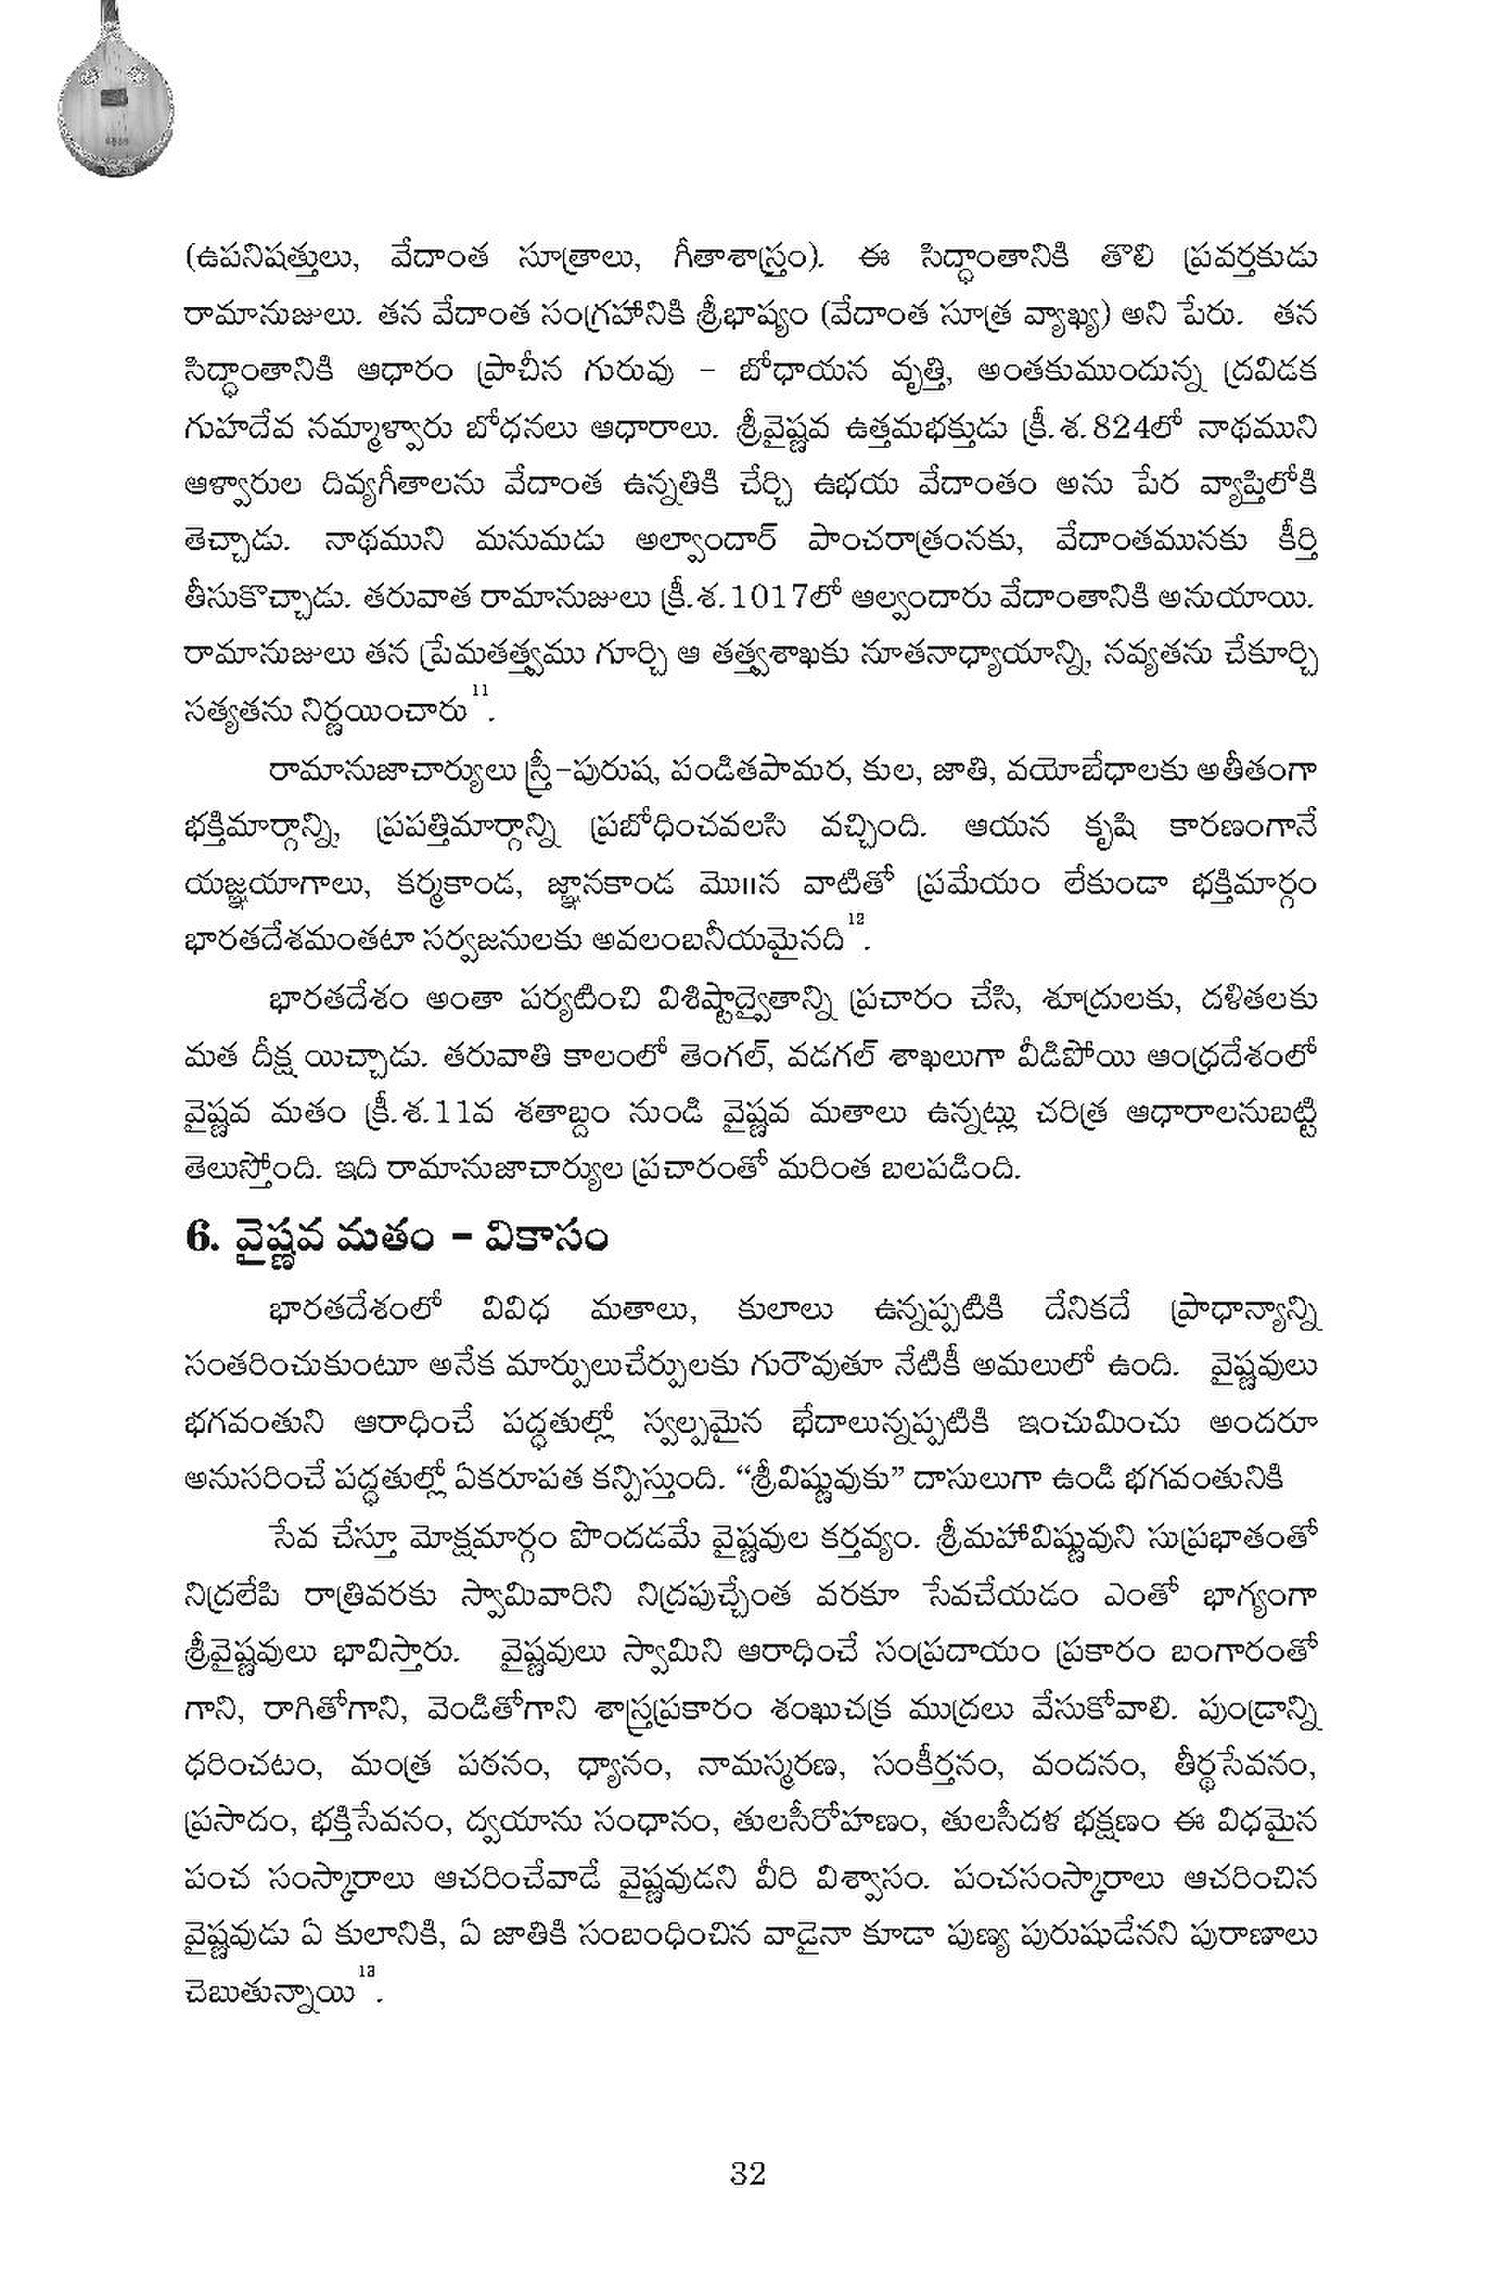(ఉపనిషత్తులు, వేదాంత సూత్రాలు, గీతాశాస్త్రం). ఈ సిద్ధాంతానికి తొలి ప్రవర్తకుడు రామానుజులు. తన వేదాంత సంగ్రహానికి శ్రీభాష్యం (వేదాంత సూత్ర వ్యాఖ్య) అని పేరు. తన సిద్ధాంతానికి ఆధారం ప్రాచీన గురువు బోధాయన వృత్తి, అంతకుముందున్న ద్రవిడక గుహదేవ నమ్మాళ్వారు బోధనలు ఆధారాలు. శ్రీవైష్ణవ ఉత్తమభక్తుడు క్రీ.శ. 824లో నాథముని
ఆళ్వారుల దివ్యగీతాలను వేదాంత ఉన్నతికి చేర్చి ఉభయ వేదాంతం అను పేర వ్యాప్తిలోకి తెచ్చాడు. నాథముని మనుమడు అల్వాందార్ పాంచరాత్రంనకు, వేదాంతమునకు కీర్తి తీసుకొచ్చాడు. తరువాత రామానుజులు క్రీ.శ. 1017లో ఆల్వంచారు వేదాంతానికి అనుయాయి. రామానుజులు తన ప్రేమతత్త్వము గూర్చి ఆ తత్త్వశాఖకు నూతనాధ్యాయాన్ని, నవ్యతను చేకూర్చి సత్యతను నిర్ణయించారు ".11

రామానుజాచార్యులు స్త్రీ-పురుష, పండితపామర, కుల, జాతి, వయోబేధాలకు అతీతంగా భక్తిమార్గాన్ని, ప్రపత్తిమార్గాన్ని ప్రబోధించవలసి వచ్చింది. ఆయన కృషి కారణంగానే యజ్ఞయాగాలు, కర్మకాండ, జ్ఞానకాండ మొ॥న వాటితో ప్రమేయం లేకుండా భక్తిమార్గం భారతదేశమంతటా సర్వజనులకు అవలంబనీయమైనది".12

భారతదేశం అంతా పర్యటించి విశిష్టాద్వైతాన్ని ప్రచారం చేసి, శూద్రులకు, దళితలకు మత దీక్ష యిచ్చాడు. తరువాతి కాలంలో తెంగల్, వడగల్ శాఖలుగా వీడిపోయి ఆంధ్రదేశంలో వైష్ణవ మతం క్రీ.శ.11వ శతాబ్దం నుండి వైష్ణవ మతాలు ఉన్నట్లు చరిత్ర ఆధారాలనుబట్టి తెలుస్తోంది. ఇది రామానుజాచార్యుల ప్రచారంతో మరింత బలపడింది.

6. వైష్ణవ మతం - వికాసం 

భారతదేశంలో వివిధ మతాలు, కులాలు ఉన్నప్పటికి దేనికదే ప్రాధాన్యాన్ని సంతరించుకుంటూ అనేక మార్పులు చేర్పులకు గురౌవుతూ నేటికీ అమలులో ఉంది. వైష్ణవులు భగవంతుని ఆరాధించే పద్ధతుల్లో స్వల్పమైన భేదాలున్నప్పటికి ఇంచుమించు అందరూ అనుసరించే పద్ధతుల్లో ఏకరూపత కన్పిస్తుంది. “శ్రీవిష్ణువుకు" దాసులుగా ఉండి భగవంతునికి
సేవ చేస్తూ మోక్షమార్గం పొందడమే వైష్ణవుల కర్తవ్యం. శ్రీమహావిష్ణువుని సుప్రభాతంతో నిద్రలేపి రాత్రివరకు స్వామివారిని నిద్రపుచ్చేంత వరకూ సేవచేయడం ఎంతో భాగ్యంగా శ్రీవైష్ణవులు భావిస్తారు. వైష్ణవులు స్వామిని ఆరాధించే సంప్రదాయం ప్రకారం బంగారంతో గాని, రాగితోగాని, వెండితోగాని శాస్త్రప్రకారం శంఖుచక్ర ముద్రలు వేసుకోవాలి. పుండ్రాన్ని ధరించటం, మంత్ర పఠనం, ధ్యానం, నామస్మరణ, సంకీర్తనం, వందనం, తీర్థసేవనం, ప్రసాదం, భక్తిసేవనం, ద్వయాను సంధానం, తులసీరోహణం, తులసీదళ భక్షణం ఈ విధమైన పంచ సంస్కారాలు ఆచరించేవాడే వైష్ణవుడని వీరి విశ్వాసం. పంచ సంస్కారాలు ఆచరించిన వైష్ణవుడు ఏ కులానికి, ఏ జాతికి సంబంధించిన వాడైనా కూడా పుణ్య పురుషుడేనని పురాణాలు
చెబుతున్నాయి .13